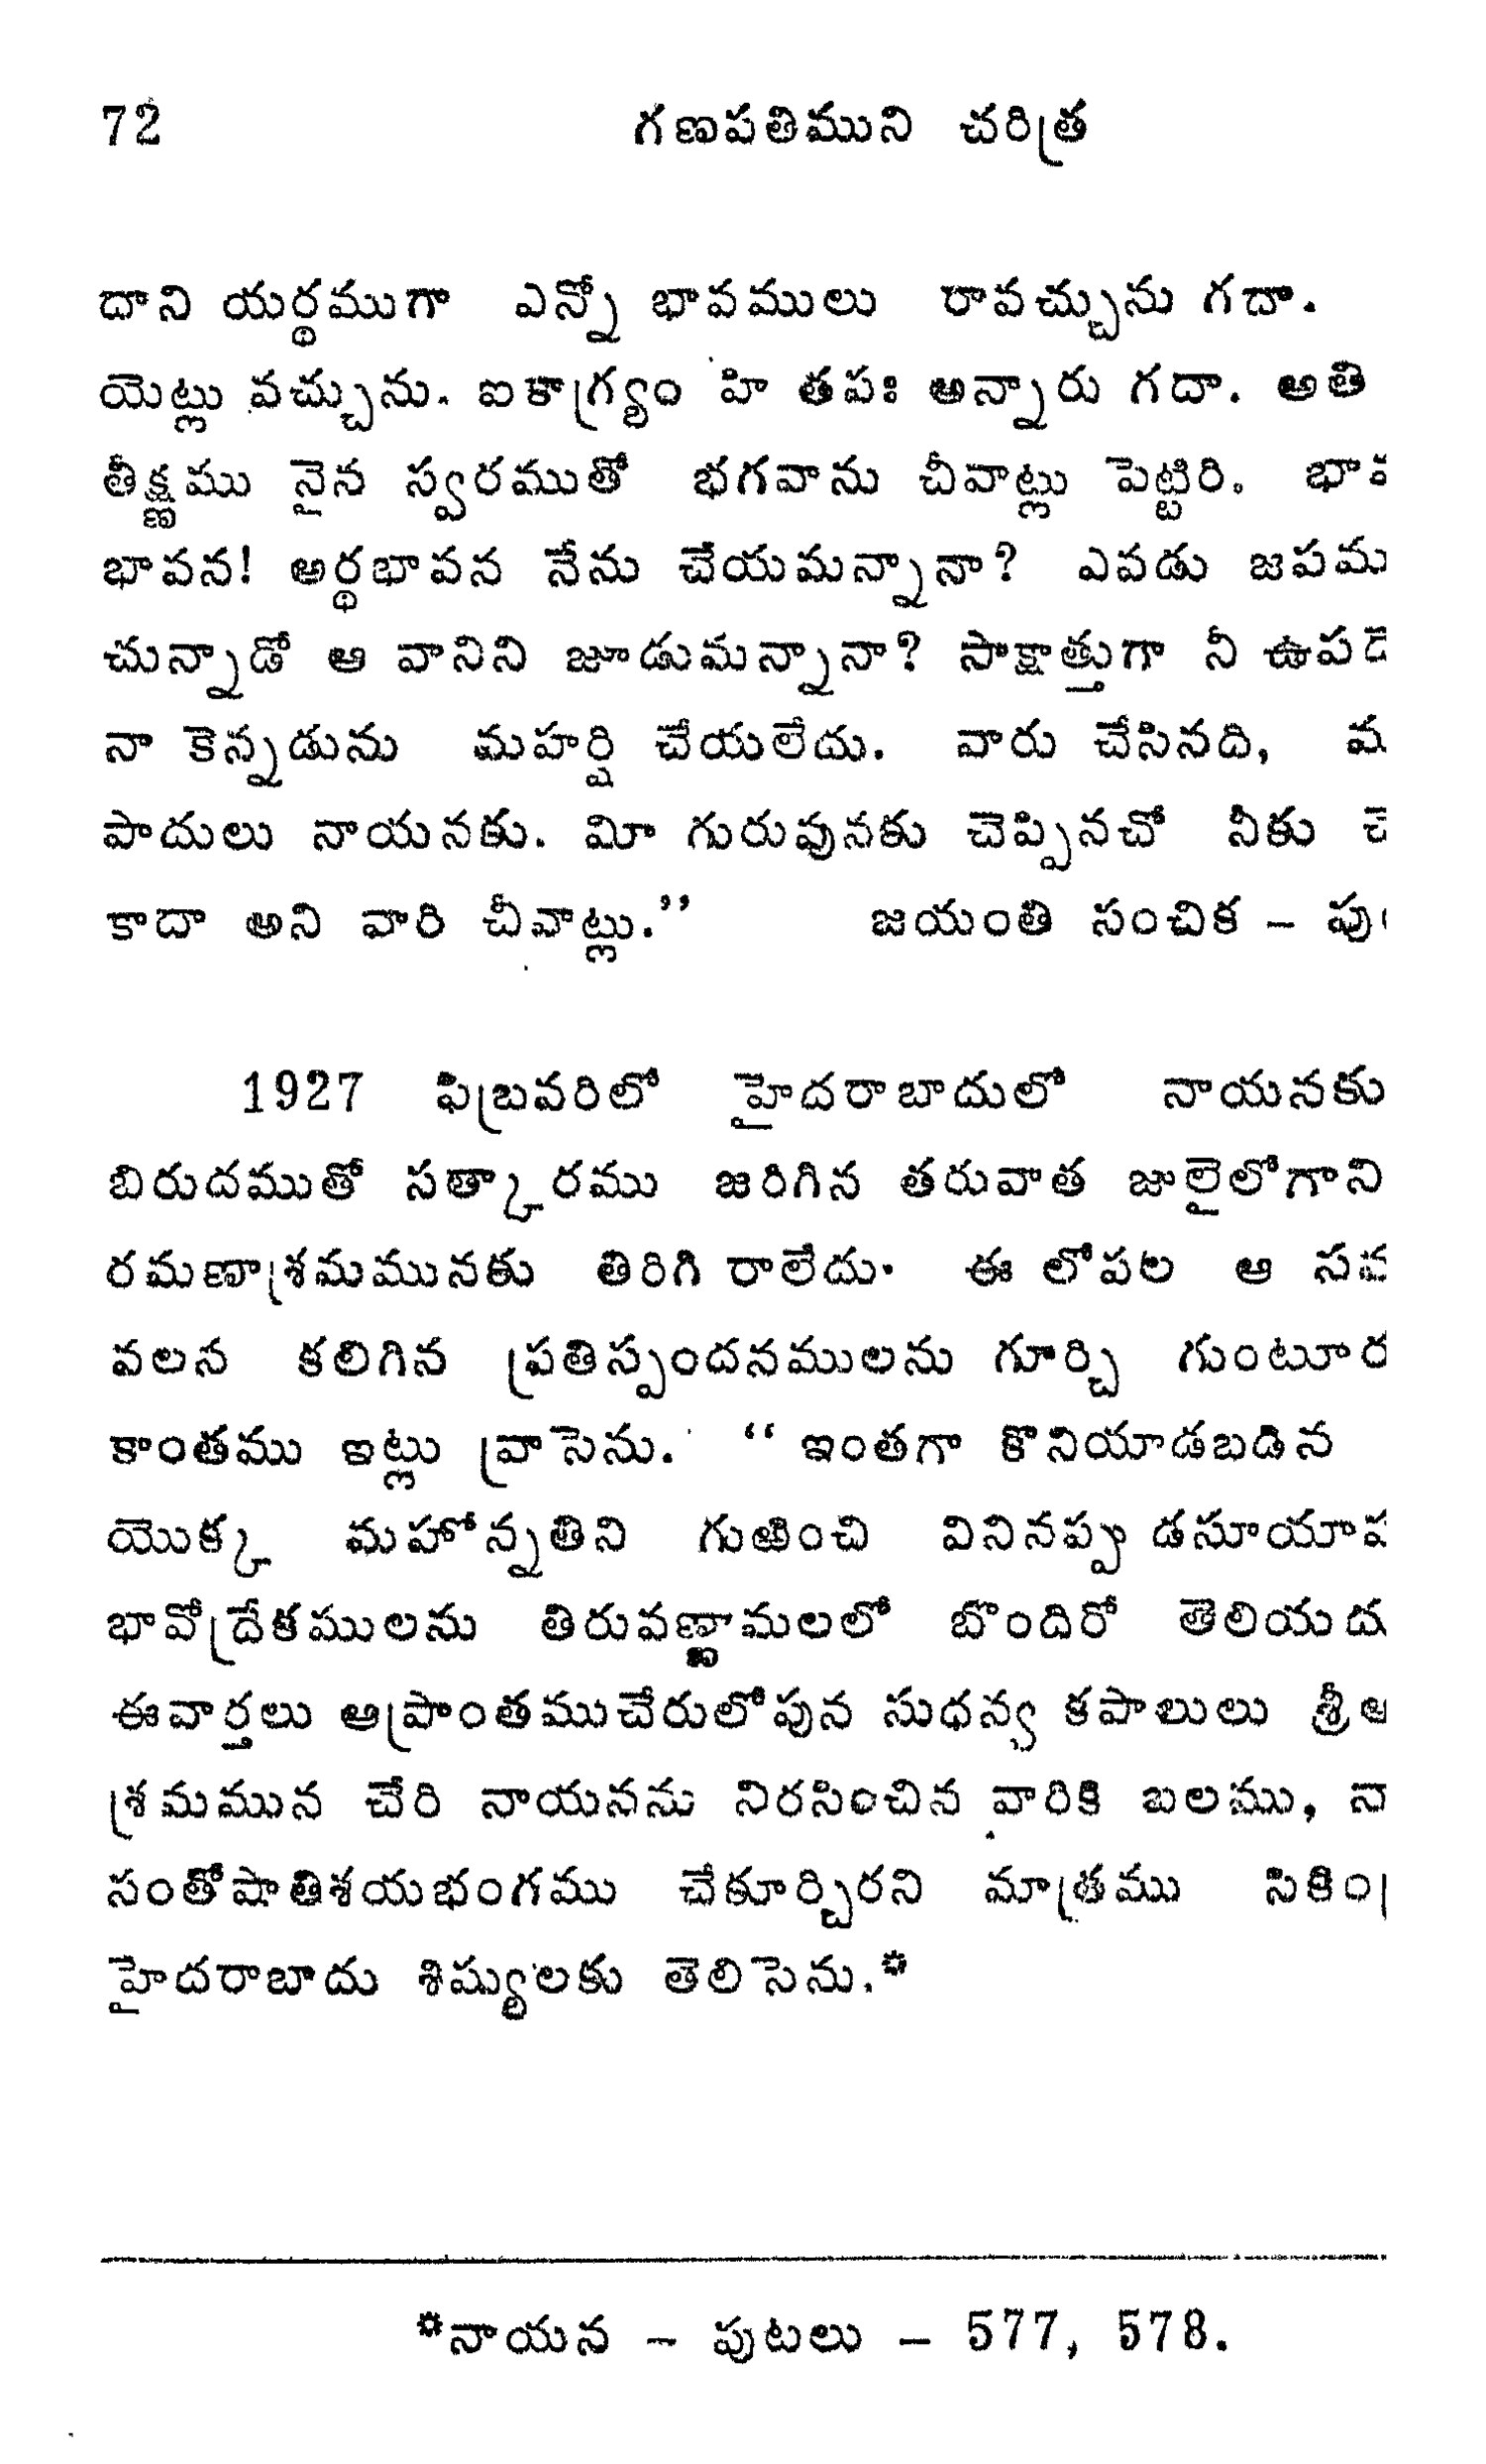దాని యర్థముగా ఎన్నో భావములు రావచ్చును గదా. యెట్లు వచ్చును. ఐకాగ్ర్యం హి తప: అన్నారు గదా. అతి తీక్ష్ణము నైన స్వరముతో భగవాను చీవాట్లు పెట్టిరి. భా: భావన! అర్థభావన నేను చేయమన్నానా? ఎవడు జపము చున్నాడో ఆ వానిని జూడుమన్నానా? సాక్షాత్తుగా నీ ఉపదేశము నాకెన్నడును మహర్షి చేయలేదు. వారు చేసినది, మ పాదులు నాయనకు. మీ గురువునకు చెప్పినచో నీకు చెప్పుట కాదా అని వారి చీవాట్లు." జయంతి సంచిక-పుటలు

1927 ఫిబ్రవరిలో హైదరాబాదులో నాయనకు బిరుదముతో సత్కారము జరిగిన తరువాత జూలైలోగాని రమణాశ్రమమునకు తిరిగి రాలేదు. ఈ లోపల అ సవ వలన కలిగిన ప్రతిస్పందనములను గూర్చి గుంటూరు కాంతము ఇట్లు వ్రాసెను. "ఇంతగా కొనియాడబడిన యొక్క మహోన్నతిని గుఱించి వినినప్పు డసూయాపరులై భావోద్రేకములను తిరువణ్ణామలలో బొందిరో తెలియదు. ఈ వార్తలు అప్రాంతము చేరులోపున సుధన్వ కపాలులు శ్రీ అరవిందాశ్రమమున చేరి నాయనను నిరసించిన వారికి బలము, నా సంతోషాతిశయభంగము చేకూర్చిరని మాత్రము సికింద్రాబాదు హైదరాబాదు శిష్యులకు తెలిసెను.